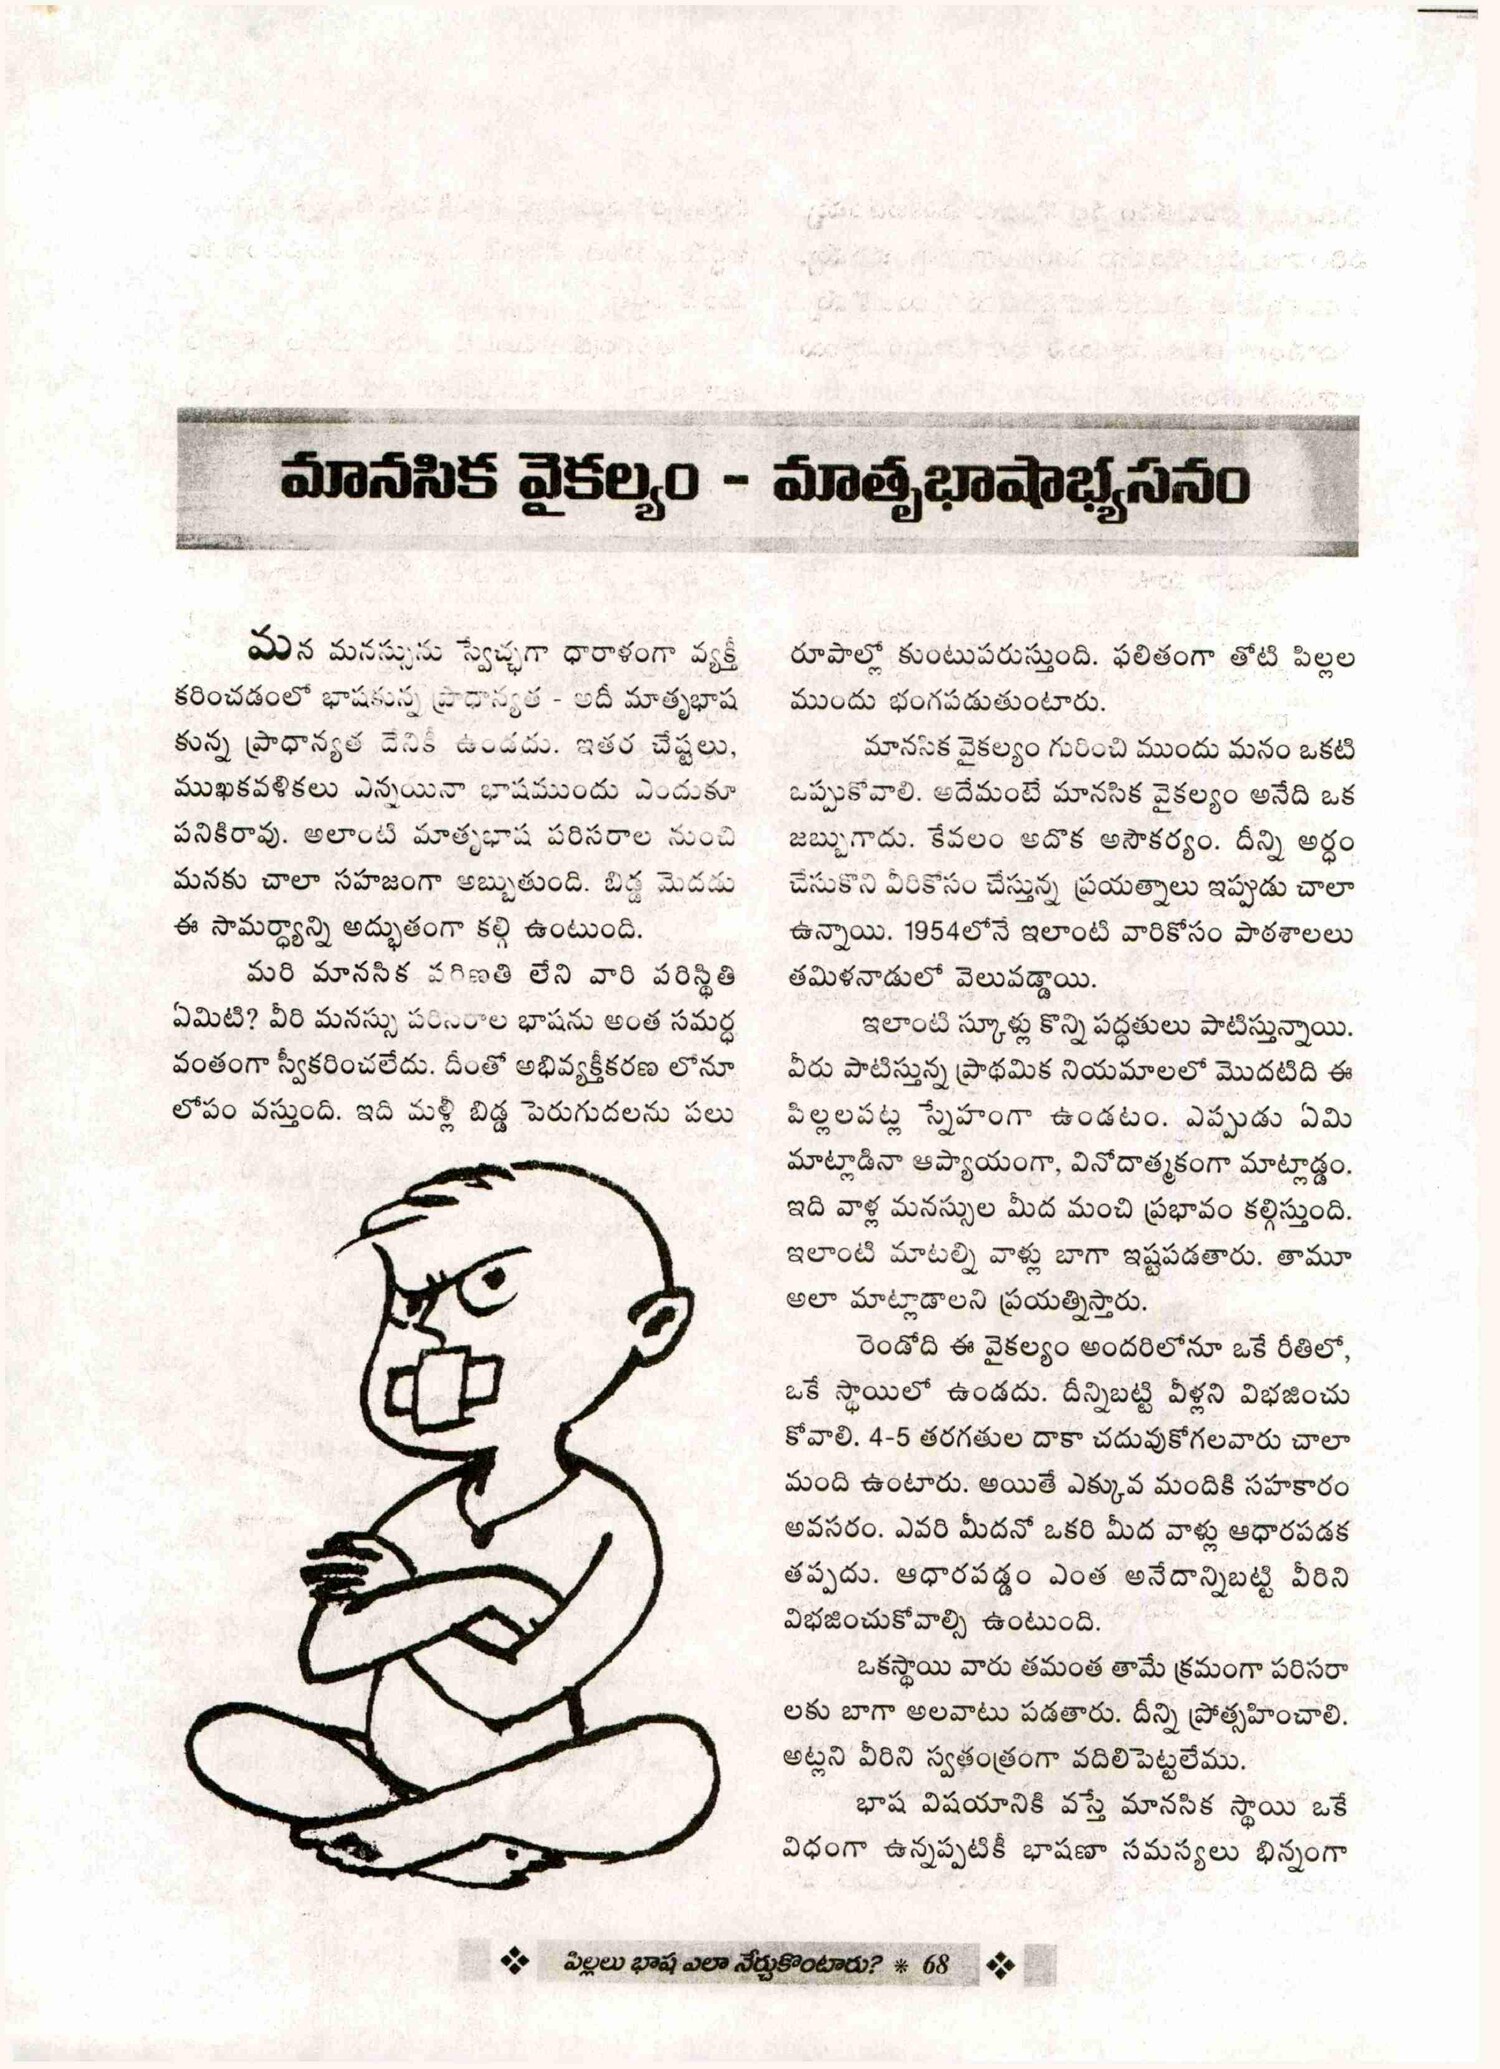మానసిక వైకల్యం - మాతృభాషాభ్యసనం

మన మనస్సును స్వేచ్ఛగా ధారాళంగా వ్యక్తీకరించడంలో భాషకున్న ప్రాధాన్యత- అదీ మాతృభాషకున్న ప్రాధాన్యత దేనికీ ఉండదు. ఇతర చేష్టలు, ముఖకవళికలు ఎన్నయినా భాషముందు ఎందుకూ పనికిరావు. అలాంటి మాతృభాష పరిసరాల నుంచి మనకు చాలా సహజంగా అబ్బుతుంది. బిడ్డ మెదడు ఈ సామర్ధ్యాన్ని అద్భుతంగా కల్గి ఉంటుంది.

మరి మానసిక పరిణతి లేని వారి పరిస్థితి ఏమిటి? వీరి మనస్సు పరిసరాల భాషను అంత సమర్ధవంతంగా స్వీకరించలేదు. దీంతో అభివ్యక్తీకరణ లోనూ లోపం వస్తుంది. ఇది మళ్లీ బిడ్డ పెరుగుదలను పలు రూపాల్లో కుంటుపరుస్తుంది. ఫలితంగా తోటి పిల్లల ముందు భంగపడుతుంటారు.

మానసిక వైకల్యం గురించి ముందు మనం ఒకటి ఒప్పుకోవాలి. అదేమంటే మానసిక వైకల్యం అనేది ఒక జబ్బుగాదు. కేవలం అదొక అసౌకర్యం. దీన్ని అర్ధం చేసుకొని వీరికోసం చేస్తున్న ప్రయత్నాలు ఇప్పుడు చాలా ఉన్నాయి. 1954లోనే ఇలాంటి వారికోసం పాఠశాలలు తమిళనాడులో వెలువడ్డాయి.

ఇలాంటి స్కూళ్లు కొన్ని పద్ధతులు పాటిస్తున్నాయి. వీరు పాటిస్తున్న ప్రాథమిక నియమాలలో మొదటిది ఈ పిల్లలపట్ల స్నేహంగా ఉండటం. ఎప్పుడు ఏమి మాట్లాడినా ఆప్యాయంగా, వినోదాత్మకంగా మాట్లాడ్డం. ఇది వాళ్ల మనస్సుల మీద మంచి ప్రభావం కల్గిస్తుంది. ఇలాంటి మాటల్ని వాళ్లు బాగా ఇష్టపడతారు. తామూ అలా మాట్లాడాలని ప్రయత్నిస్తారు.

రెండోది ఈ వైకల్యం అందరిలోనూ ఒకే రీతిలో, ఒకే స్థాయిలో ఉండదు. దీన్నిబట్టి వీళ్లని విభజించు కోవాలి. 4-5 తరగతుల దాకా చదువుకోగలవారు చాలా మంది ఉంటారు. అయితే ఎక్కువ మందికి సహకారం అవసరం. ఎవరి మీదనో ఒకరి మీద వాళ్లు ఆధారపడక తప్పదు. ఆధారపడ్డం ఎంత అనేదాన్నిబట్టి వీరిని విభజించుకోవాల్సి ఉంటుంది.

ఒకస్థాయి వారు తమంత తామే క్రమంగా పరిసరాలకు బాగా అలవాటు పడతారు. దీన్ని ప్రోత్సహించాలి.
అట్లని వీరిని స్వతంత్రంగా వదిలిపెట్టలేము.

భాష విషయానికి వస్తే మానసిక స్థాయి ఒకే విధంగా ఉన్నప్పటికీ భాషణా సమస్యలు భిన్నంగా